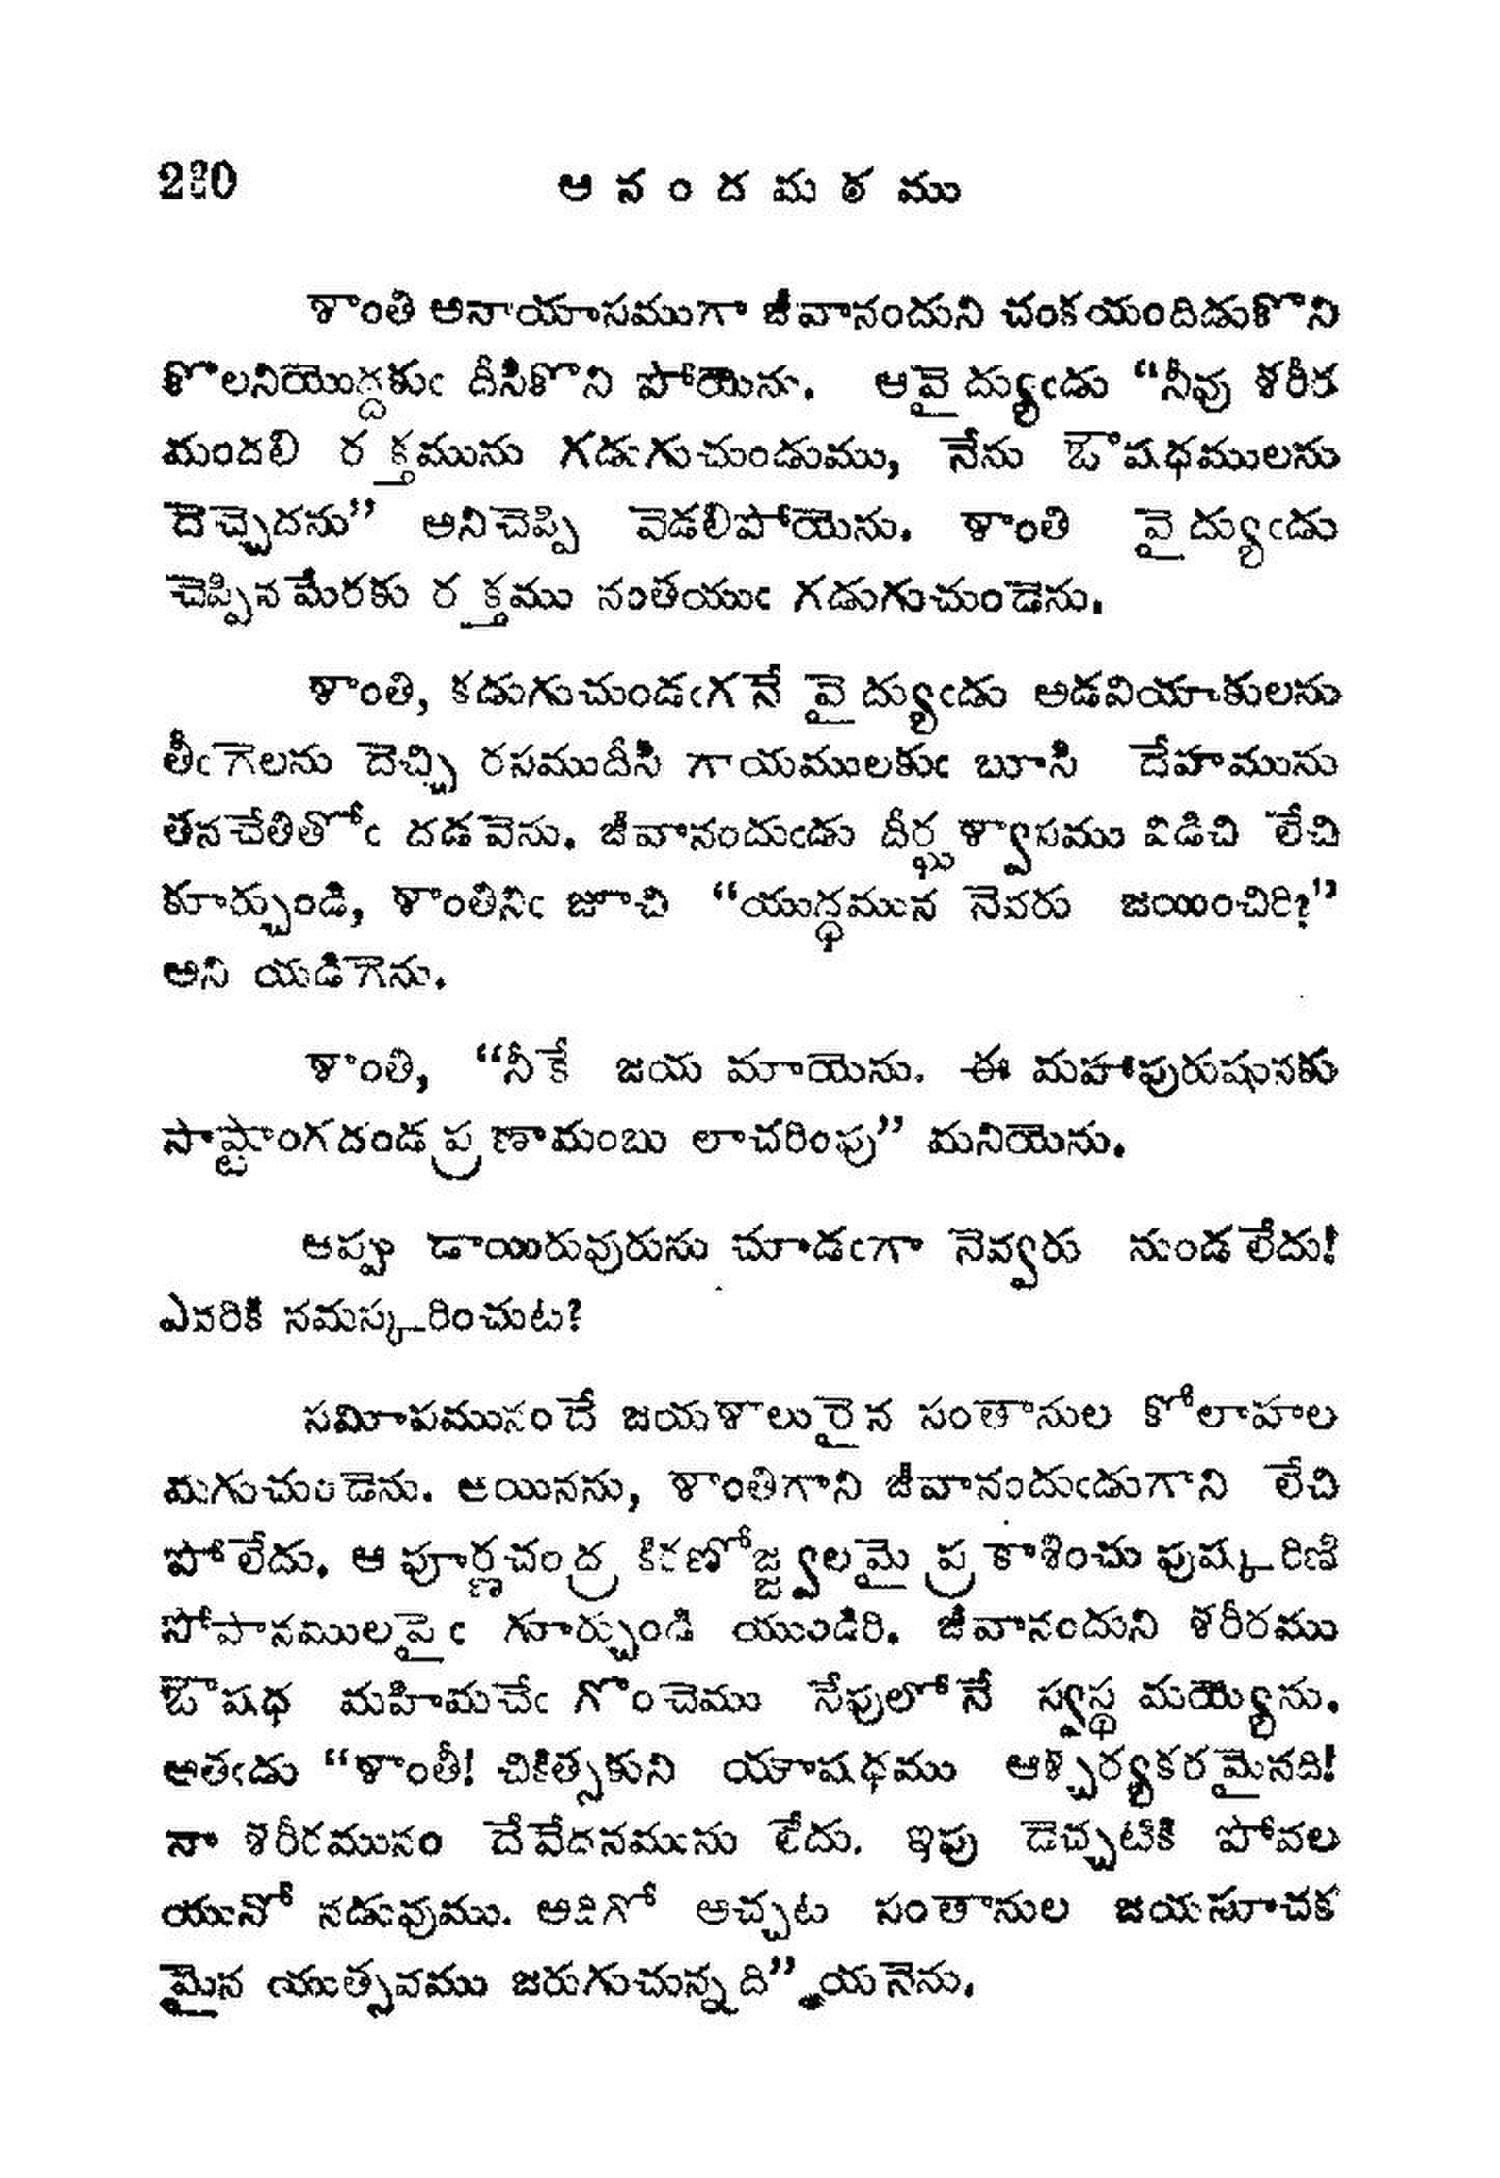శాంతి అనాయాసముగా జీవానందుని చంకయందిడుకొని కొలనియొద్దకుఁ దీసికొని పోయెను. ఆవైద్యుఁడు “నీవు శరీర
మందలి రక్తమును గడుగుచుండుము, నేను ఔషధములను దెచ్చెదను" అని చెప్పి వెడలిపోయెను. శాంతి వైద్యుఁడు
చెప్పిన మేరకు రక్తము నంతయుఁ గడుగుచుండెను.

శాంతి, కడుగుచుండఁగనే వైద్యుఁడు అడవియాకులను తీఁగెలను దెచ్చి రసముదీసి గాయములకుఁ బూసి దేహమును
తన చేతితోఁ దడవెను, జీవానందుఁడు దీర్ఘ శ్వాసము విడిచి లేచి కూర్చుండి, శాంతినిఁ జూచి "యుద్ధమున నెవరు జయించిరి?” అని యడిగెను.

శాంతి, “నీకే జయ మాయెను. ఈ మహాపురుషునకు సాష్టాంగ దండ ప్రణామంబు లాచరింపు" మనియెను.

ఆప్పు డాయిరువురును చూడఁగా నెవ్వరు నుండ లేదు! ఎవరికి నమస్కరించుట?

సమీపమునందే జయశాలురైన సంతానుల కోలాహల మగుచుండెను. అయినను, శాంతిగాని జీవానందుఁడుగాని లేచి
పోలేదు. ఆ పూర్ణచంద్ర కిరణోజ్జ్వలమై ప్రకాశించు పుష్కరిణి సోపానములపైఁ గూర్చుండి యుండిరి. జీవానందుని శరీరము
ఔషధ మహిమచేఁ గొంచెము సేపులోనే స్వస్థ మయ్యెను. అతఁడు “శాంతీ! చికిత్సకుని యౌషధము ఆశ్చర్యకరమైనది!
నా శరీరమునం దేవేదనమును లేదు. ఇపు డెచ్చటికి పోవలయునో నడువుము. అదిగో అచ్చట సంతానుల జయసూచక
మైన యుత్సవము జరుగుచున్నది” యనెను.